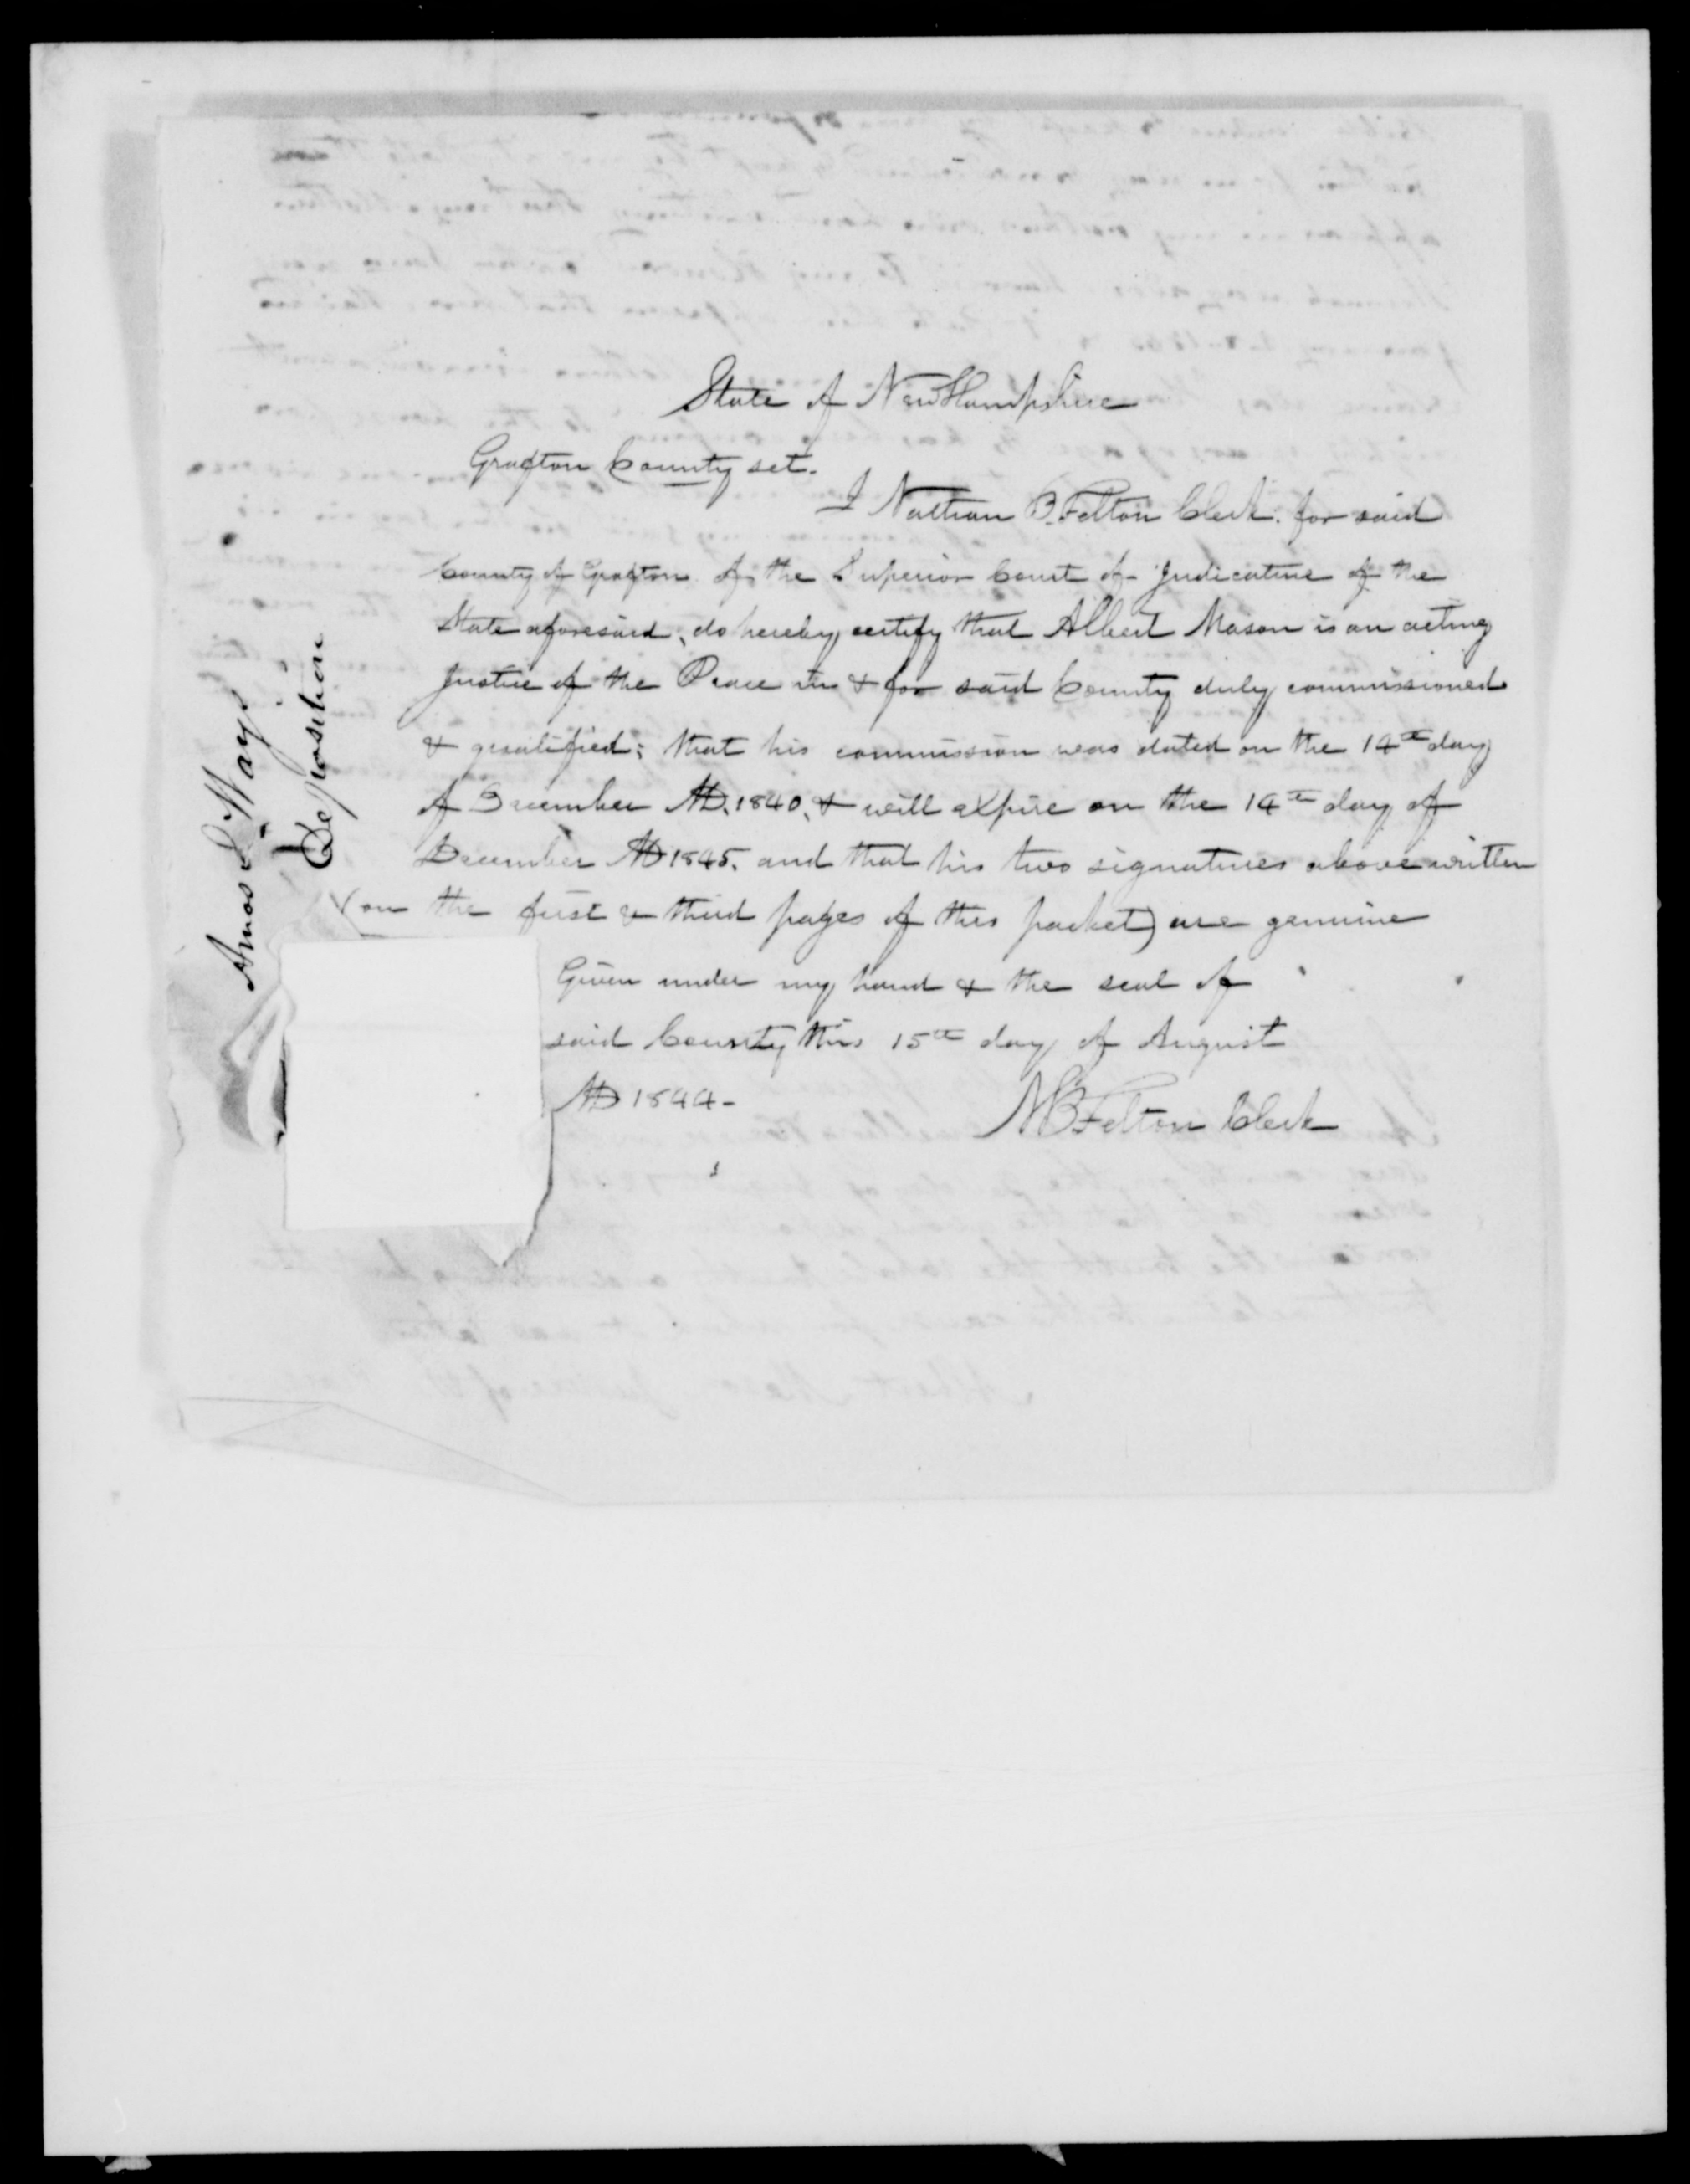State of New Hampshire
Amos Way deposition
Grafton County set
I Nathan B Felton Clerk for said
County of Grafton and the Superior Court of Judicature of the
State aforesaid, do hereby certify that Albert Mason is an acting
Justice of the Peace in & for said County duly commissioned
& qualified; that his commission was dated on the 14th day
of December AD. 1840 & will aspire on the 14th day of
December AD 1845, and that his two signatures above written
on the first & third pages of this packet) are genuine
Given under my hand & the seal of
said County this 15th day of August
AD 1844 -
N. B. Felton Clerk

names: Albert Mason, Amos S Way, Nathan B Felton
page: 10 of 78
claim: widow's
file: W. 25856, Samuel Way, N.H.